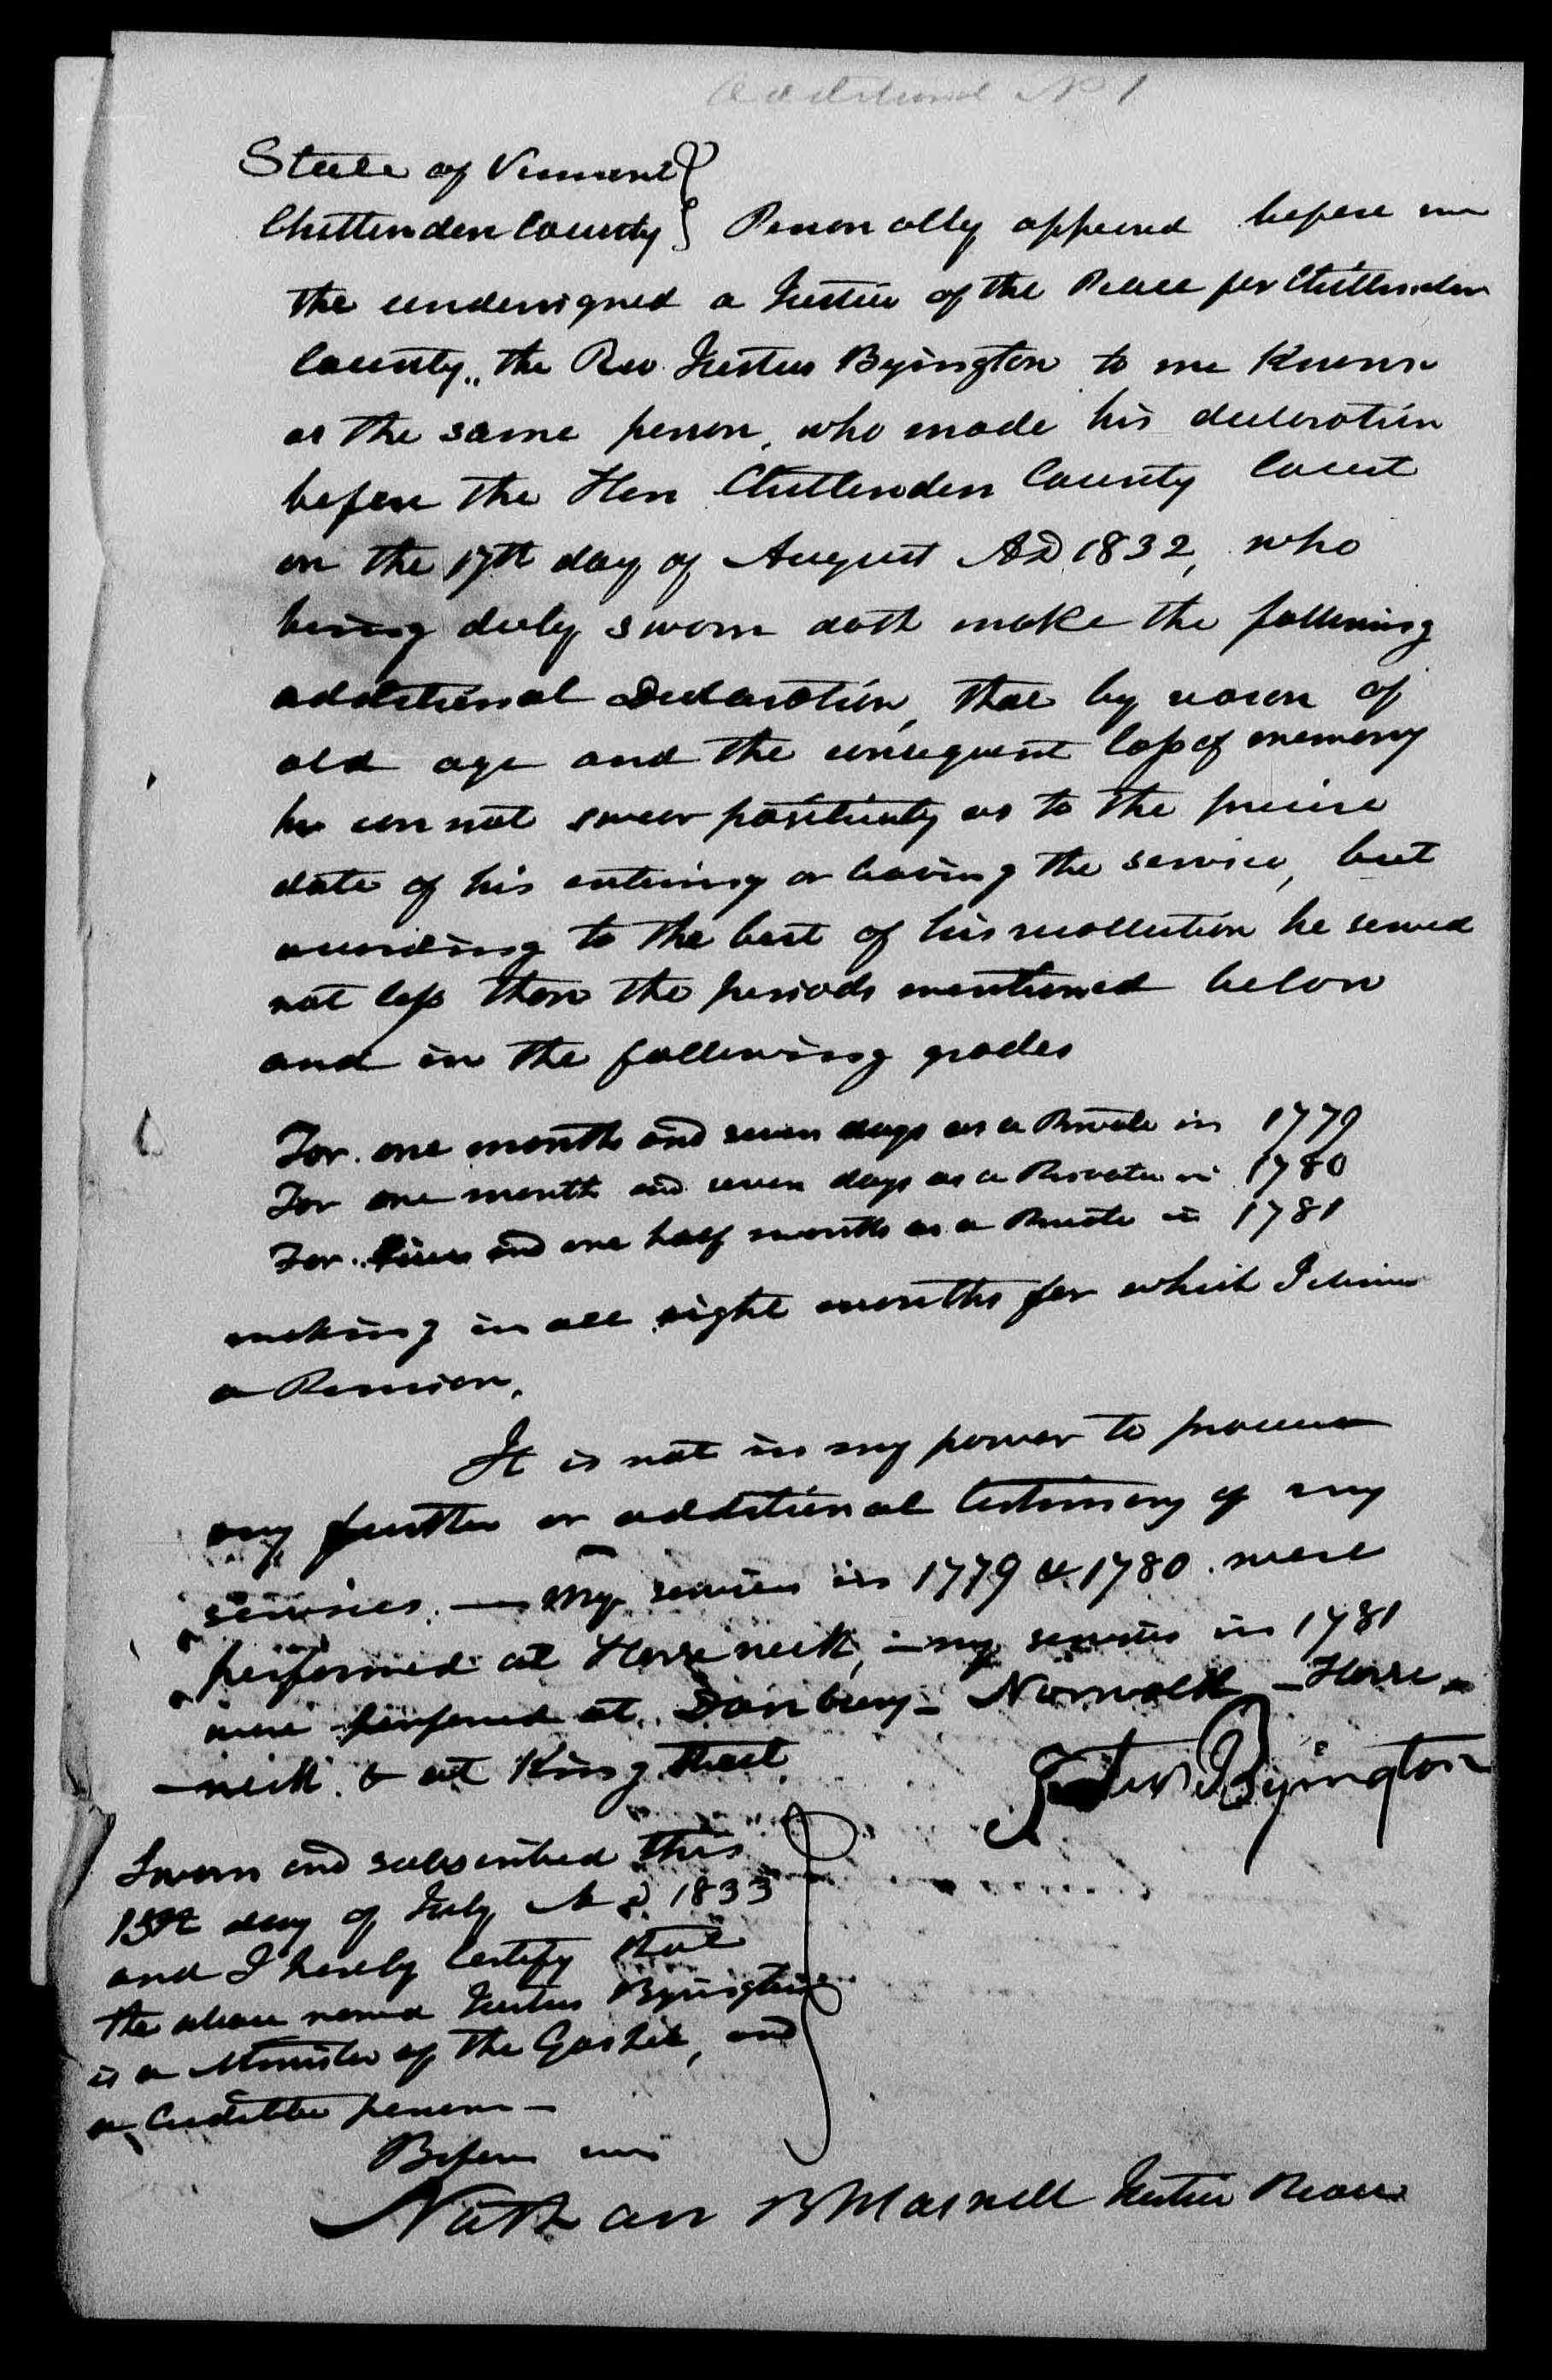additional No. 1

State of Vermont}
Chittenden County}
Personally appeared before the undersigned a Justice of the Peace for Chittenden County the Rev. Justus Byington to me known as the same person, who made his declaration before the Hon. Chittenden County Court on the 17th day of August AD1832, who having duly worn doth make the following additional declaration, that by reason of old age and the infrequent lapse of memory he cannot swear particularly as to the precise date of his entering or leaving the service, but according to the best of his recollection he served not less than the periods mentioned below and in the following grades

for one month and seven days as a private in 1779
For one month and seven days as a Private in 1780
for five and one half months as a Private in 1781
making in all eight months for which I claim a pension.

It is not within my power to procure any further or additional testimony of my services _ my services in 1779 & 1780 were performed at Horseneck _ my services in 1781 were performed at Danbury _ Norwalk _ Horseneck & at King Street
Justus Byington

Sworn and subscribed this 13th day of July A.D. 1833 and I hereby certify that the above named Justus Byington is a Minister of the Gospel, and a credible person
Before me
Nathan B Maxwell Justice Peace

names: Justus Byington, Nathan B Maswell, Justus Byington, Justus Byington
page: 20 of 79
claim: widow's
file: W. 23754, Justus Byington, Conn.